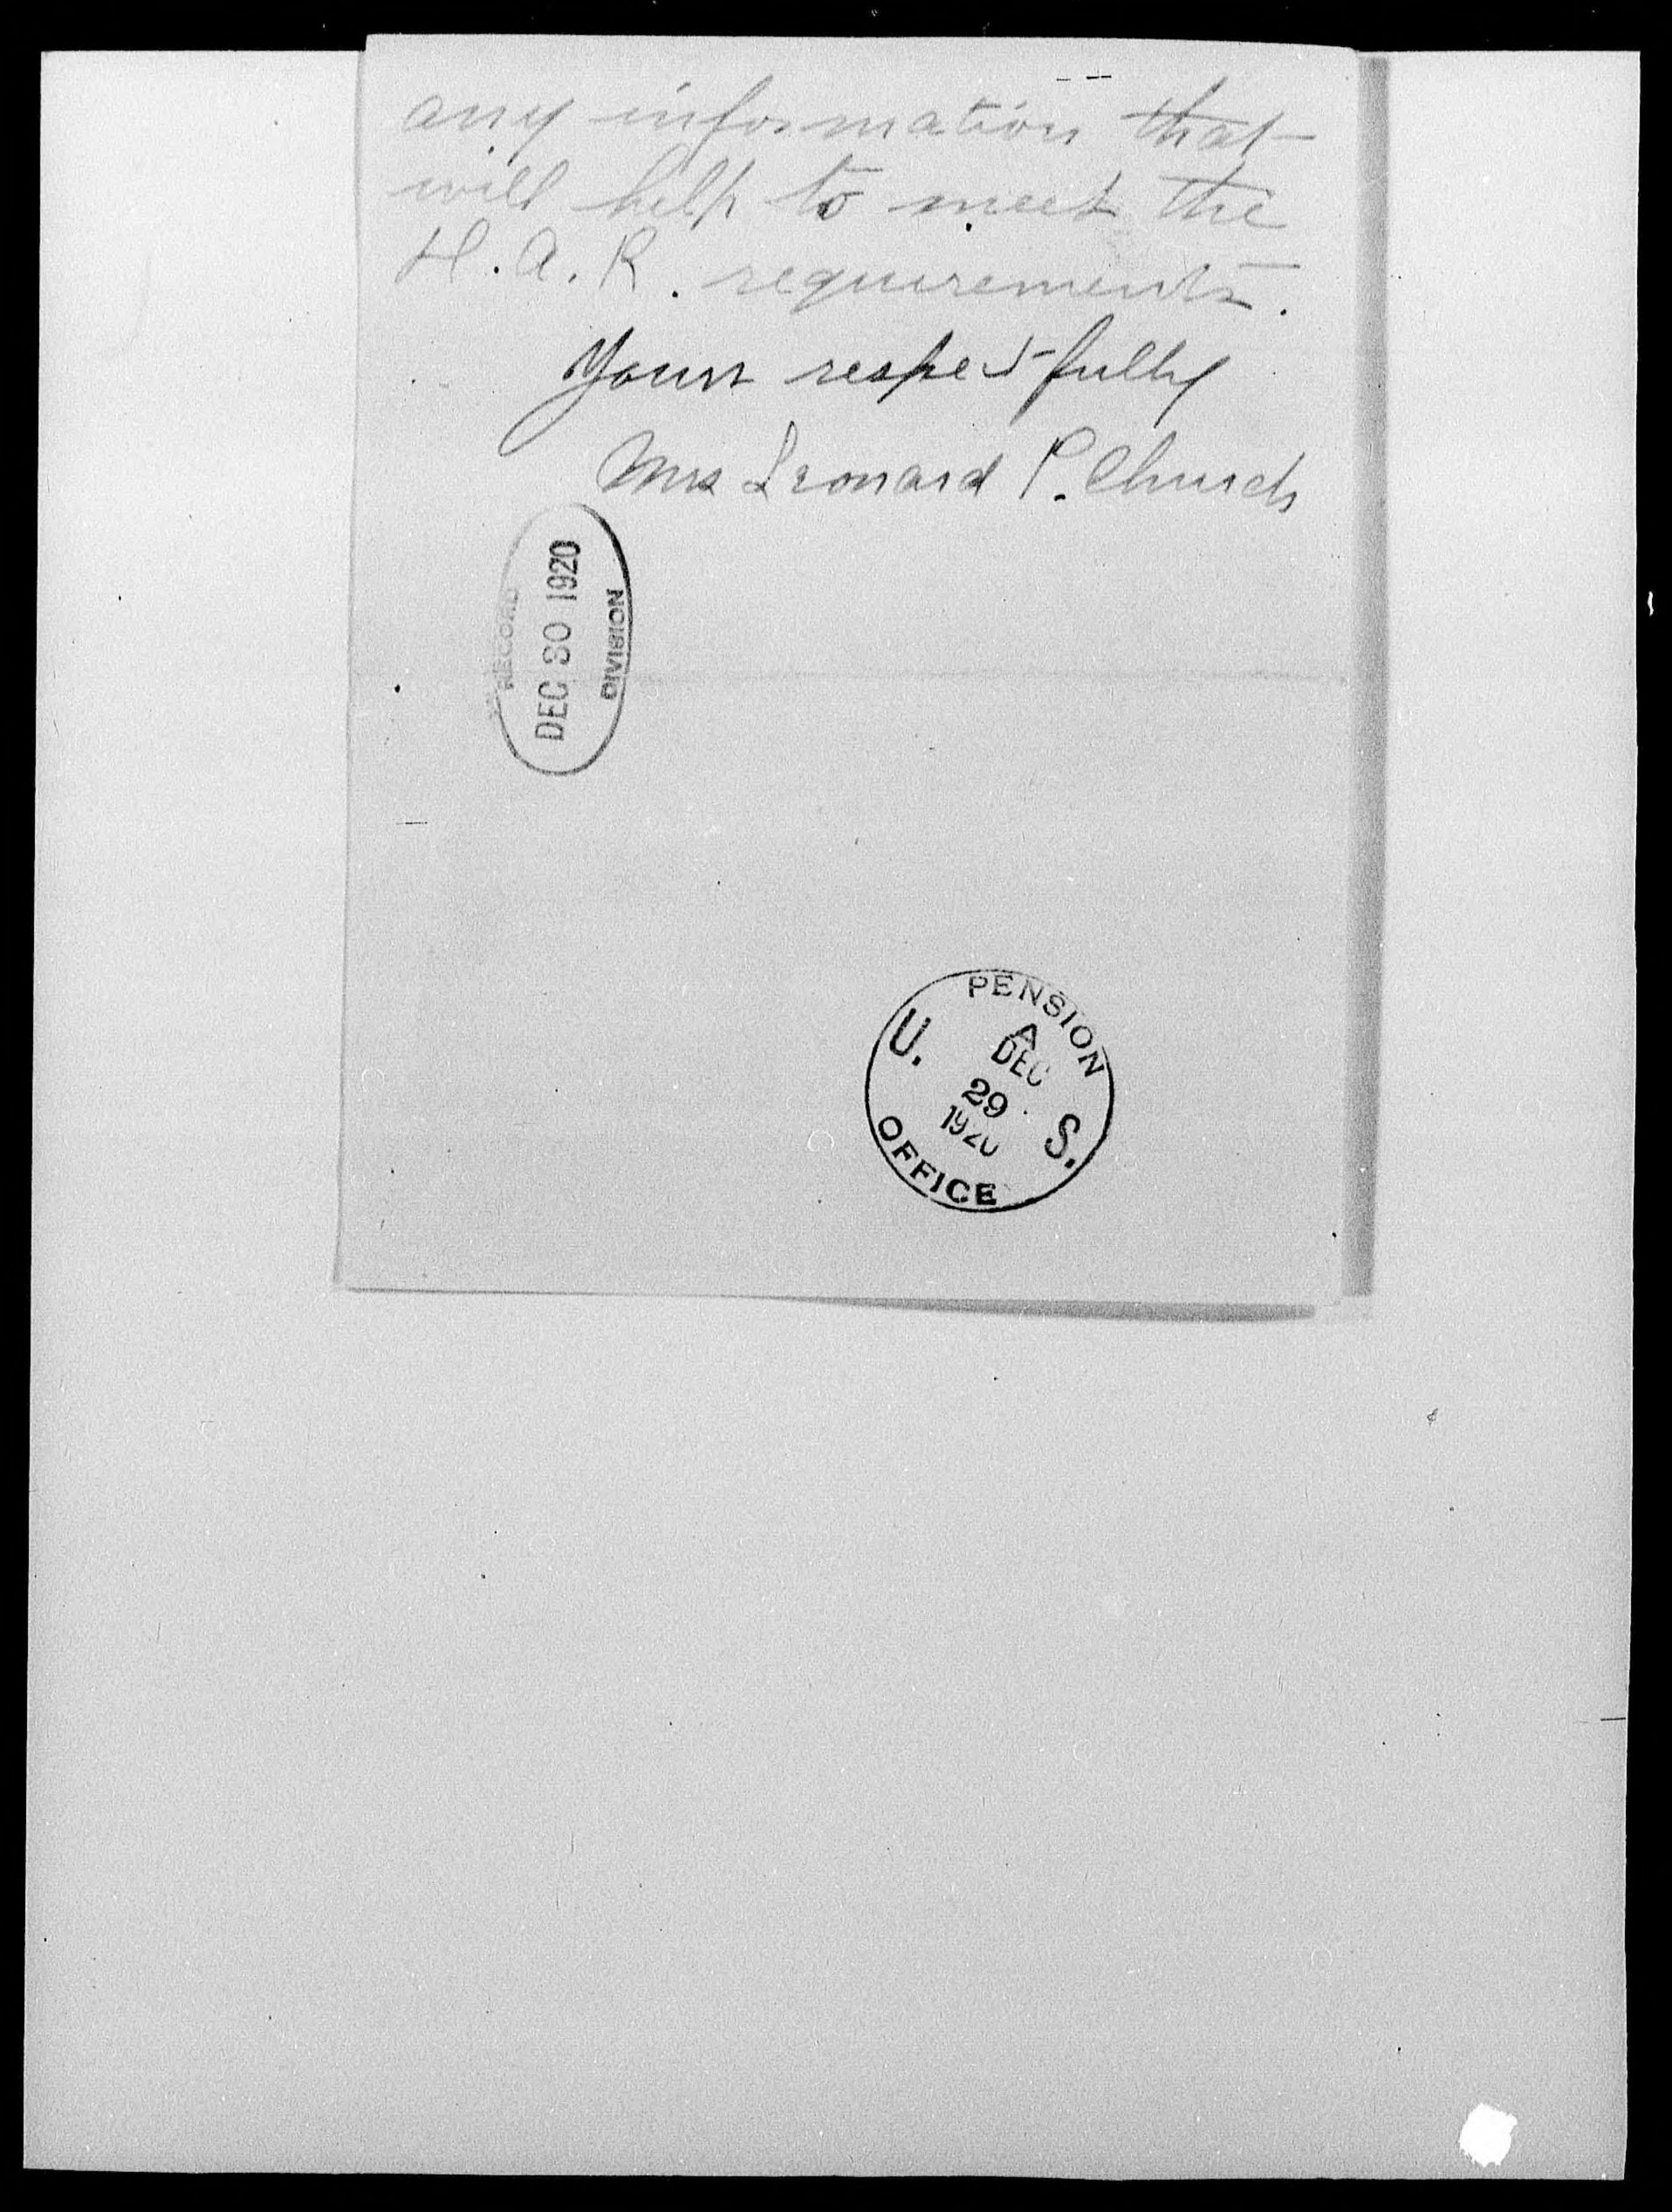any informaition that will help to meet the D.A.R. requirements.
  Yours respectfully
Mrs. Leonard P. Church

[Horizontal stamp]     RECORDS
                                DEC 30 1920
                                   DIVISION


[Vertical stamp]             PENSION
                                            A
                                          DEC
                                      U.  29   S.
                                         1920
                                       OFFICE
                               ]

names: Leonard P Church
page: 29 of 37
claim: survivor's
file: S. 12,281, William Briggs, Conn.